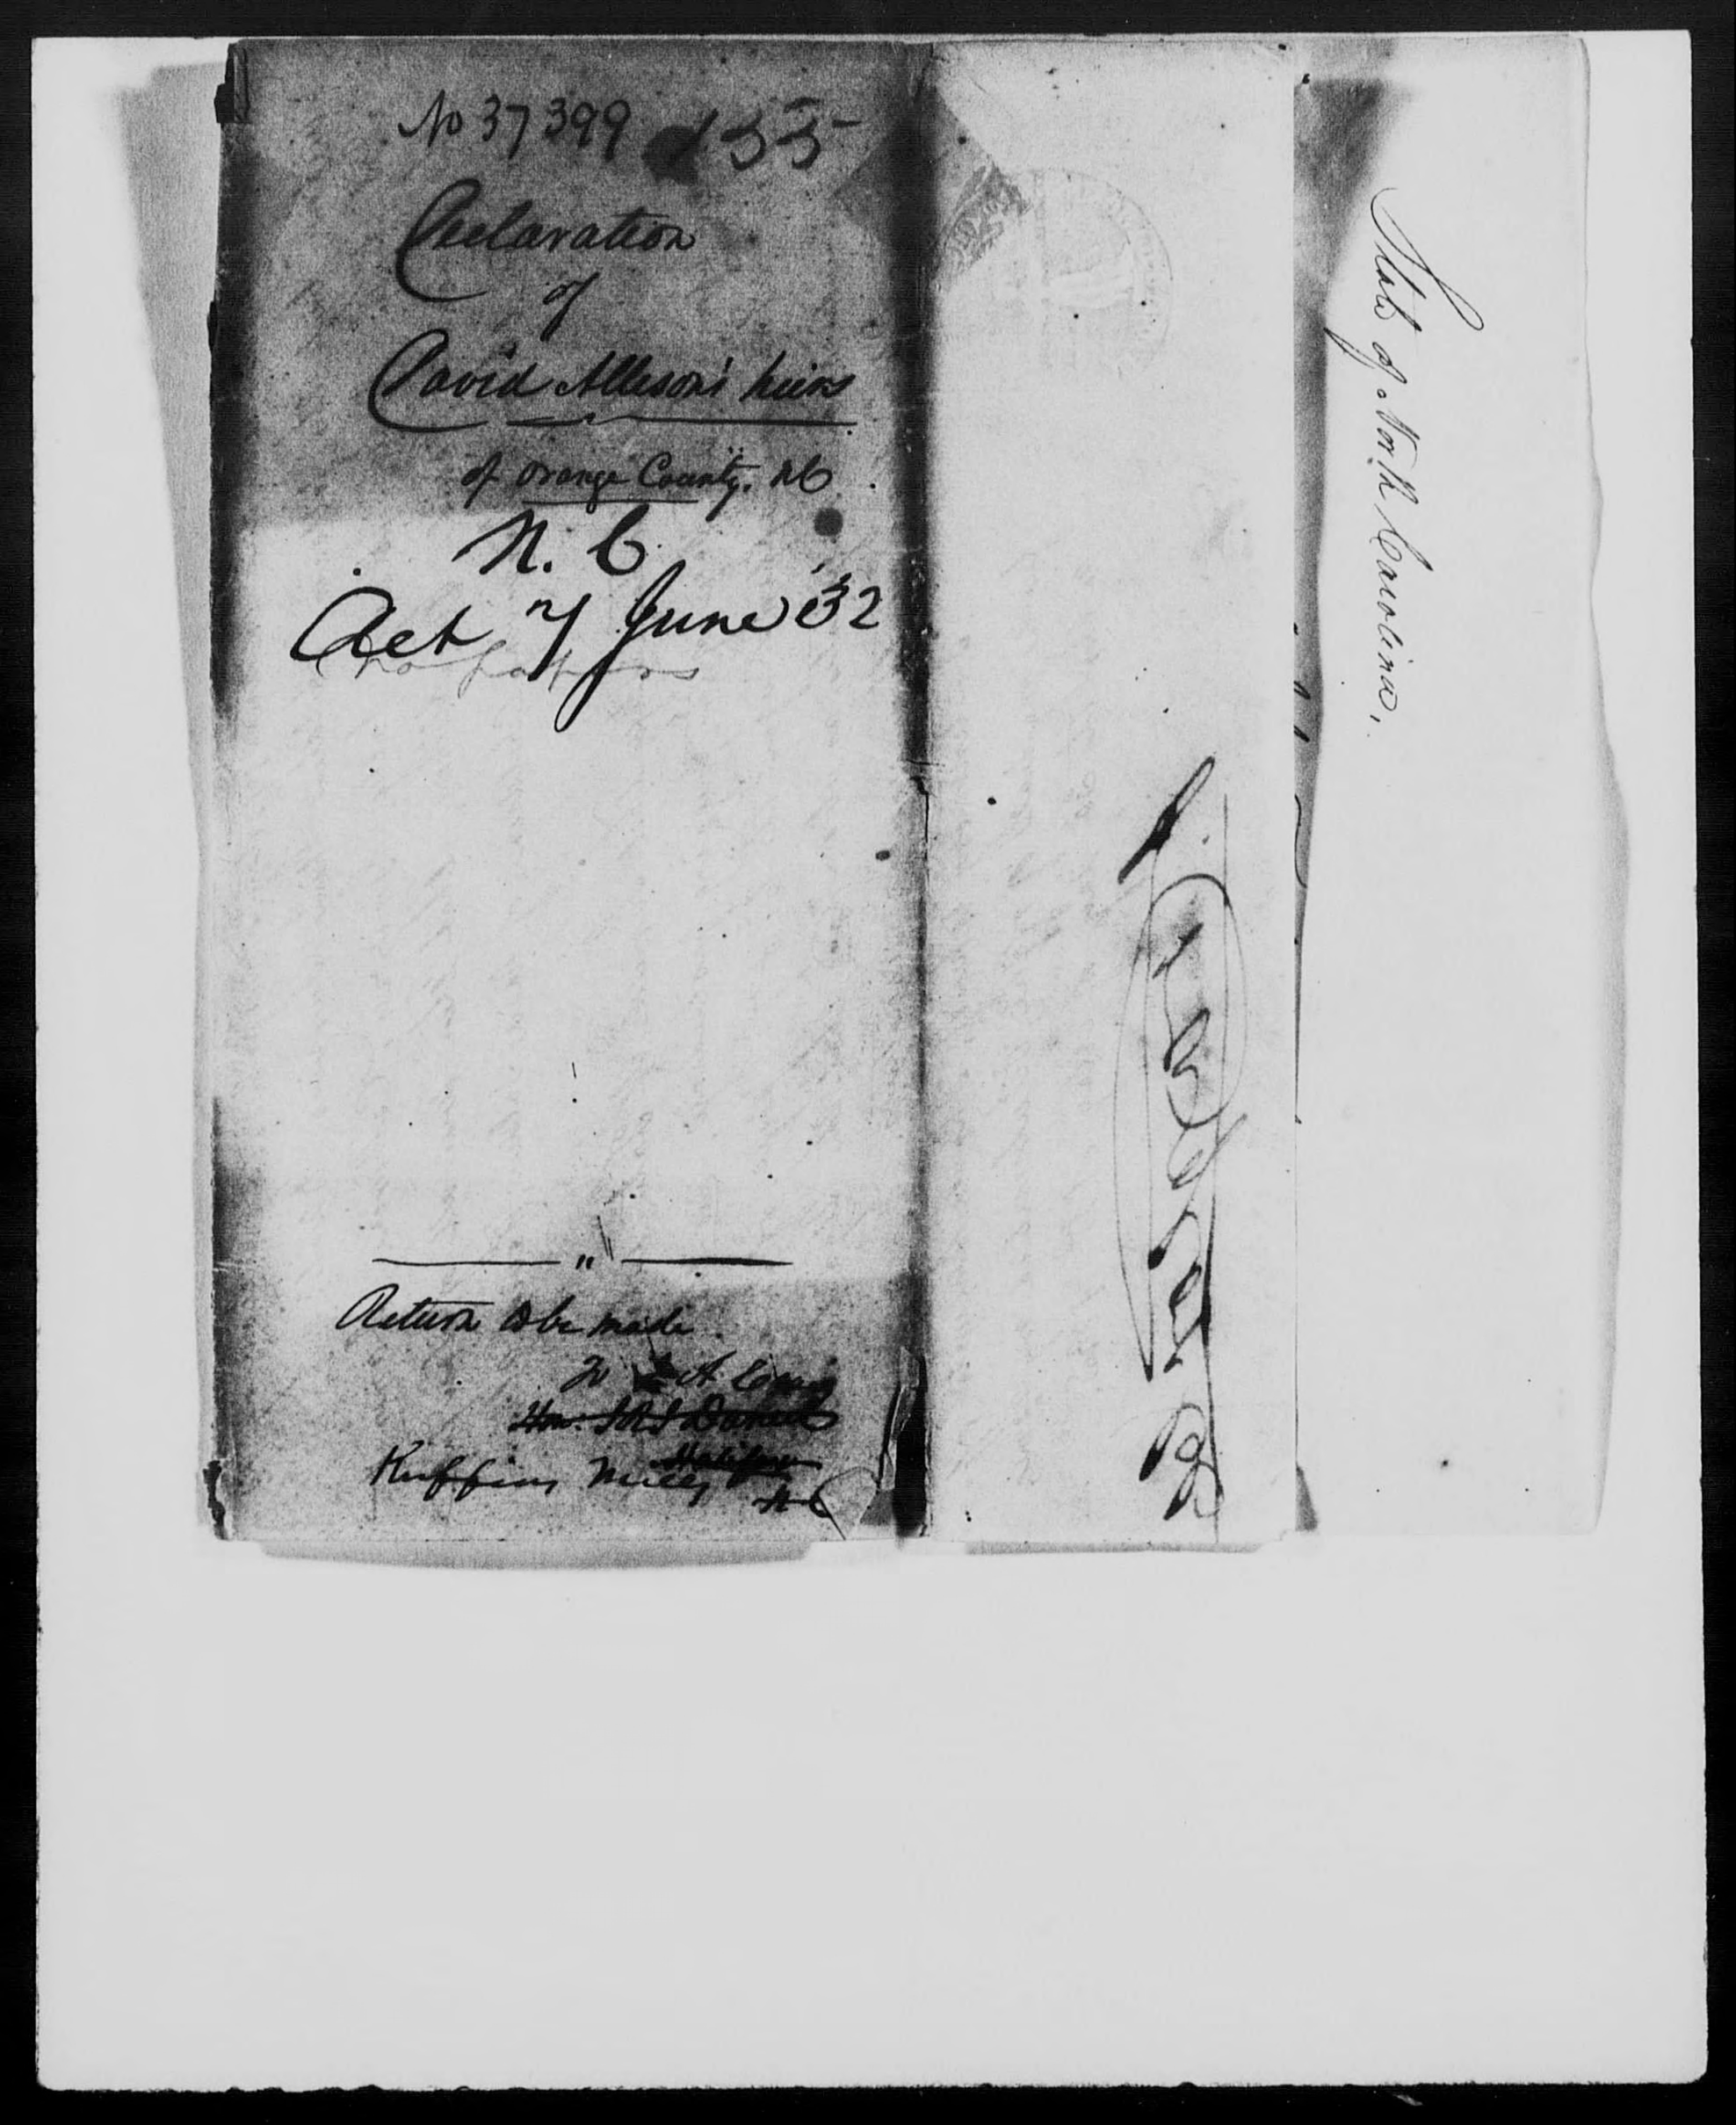No 37399     133
Decclaration of
David Allison's heirs of Orange County NC
N.C.
Act of 7 June 32


Return to be made
[illegible]

State of North Carolina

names: David Allison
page: 6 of 33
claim: rejected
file: R. 155, David Allison, N.C.